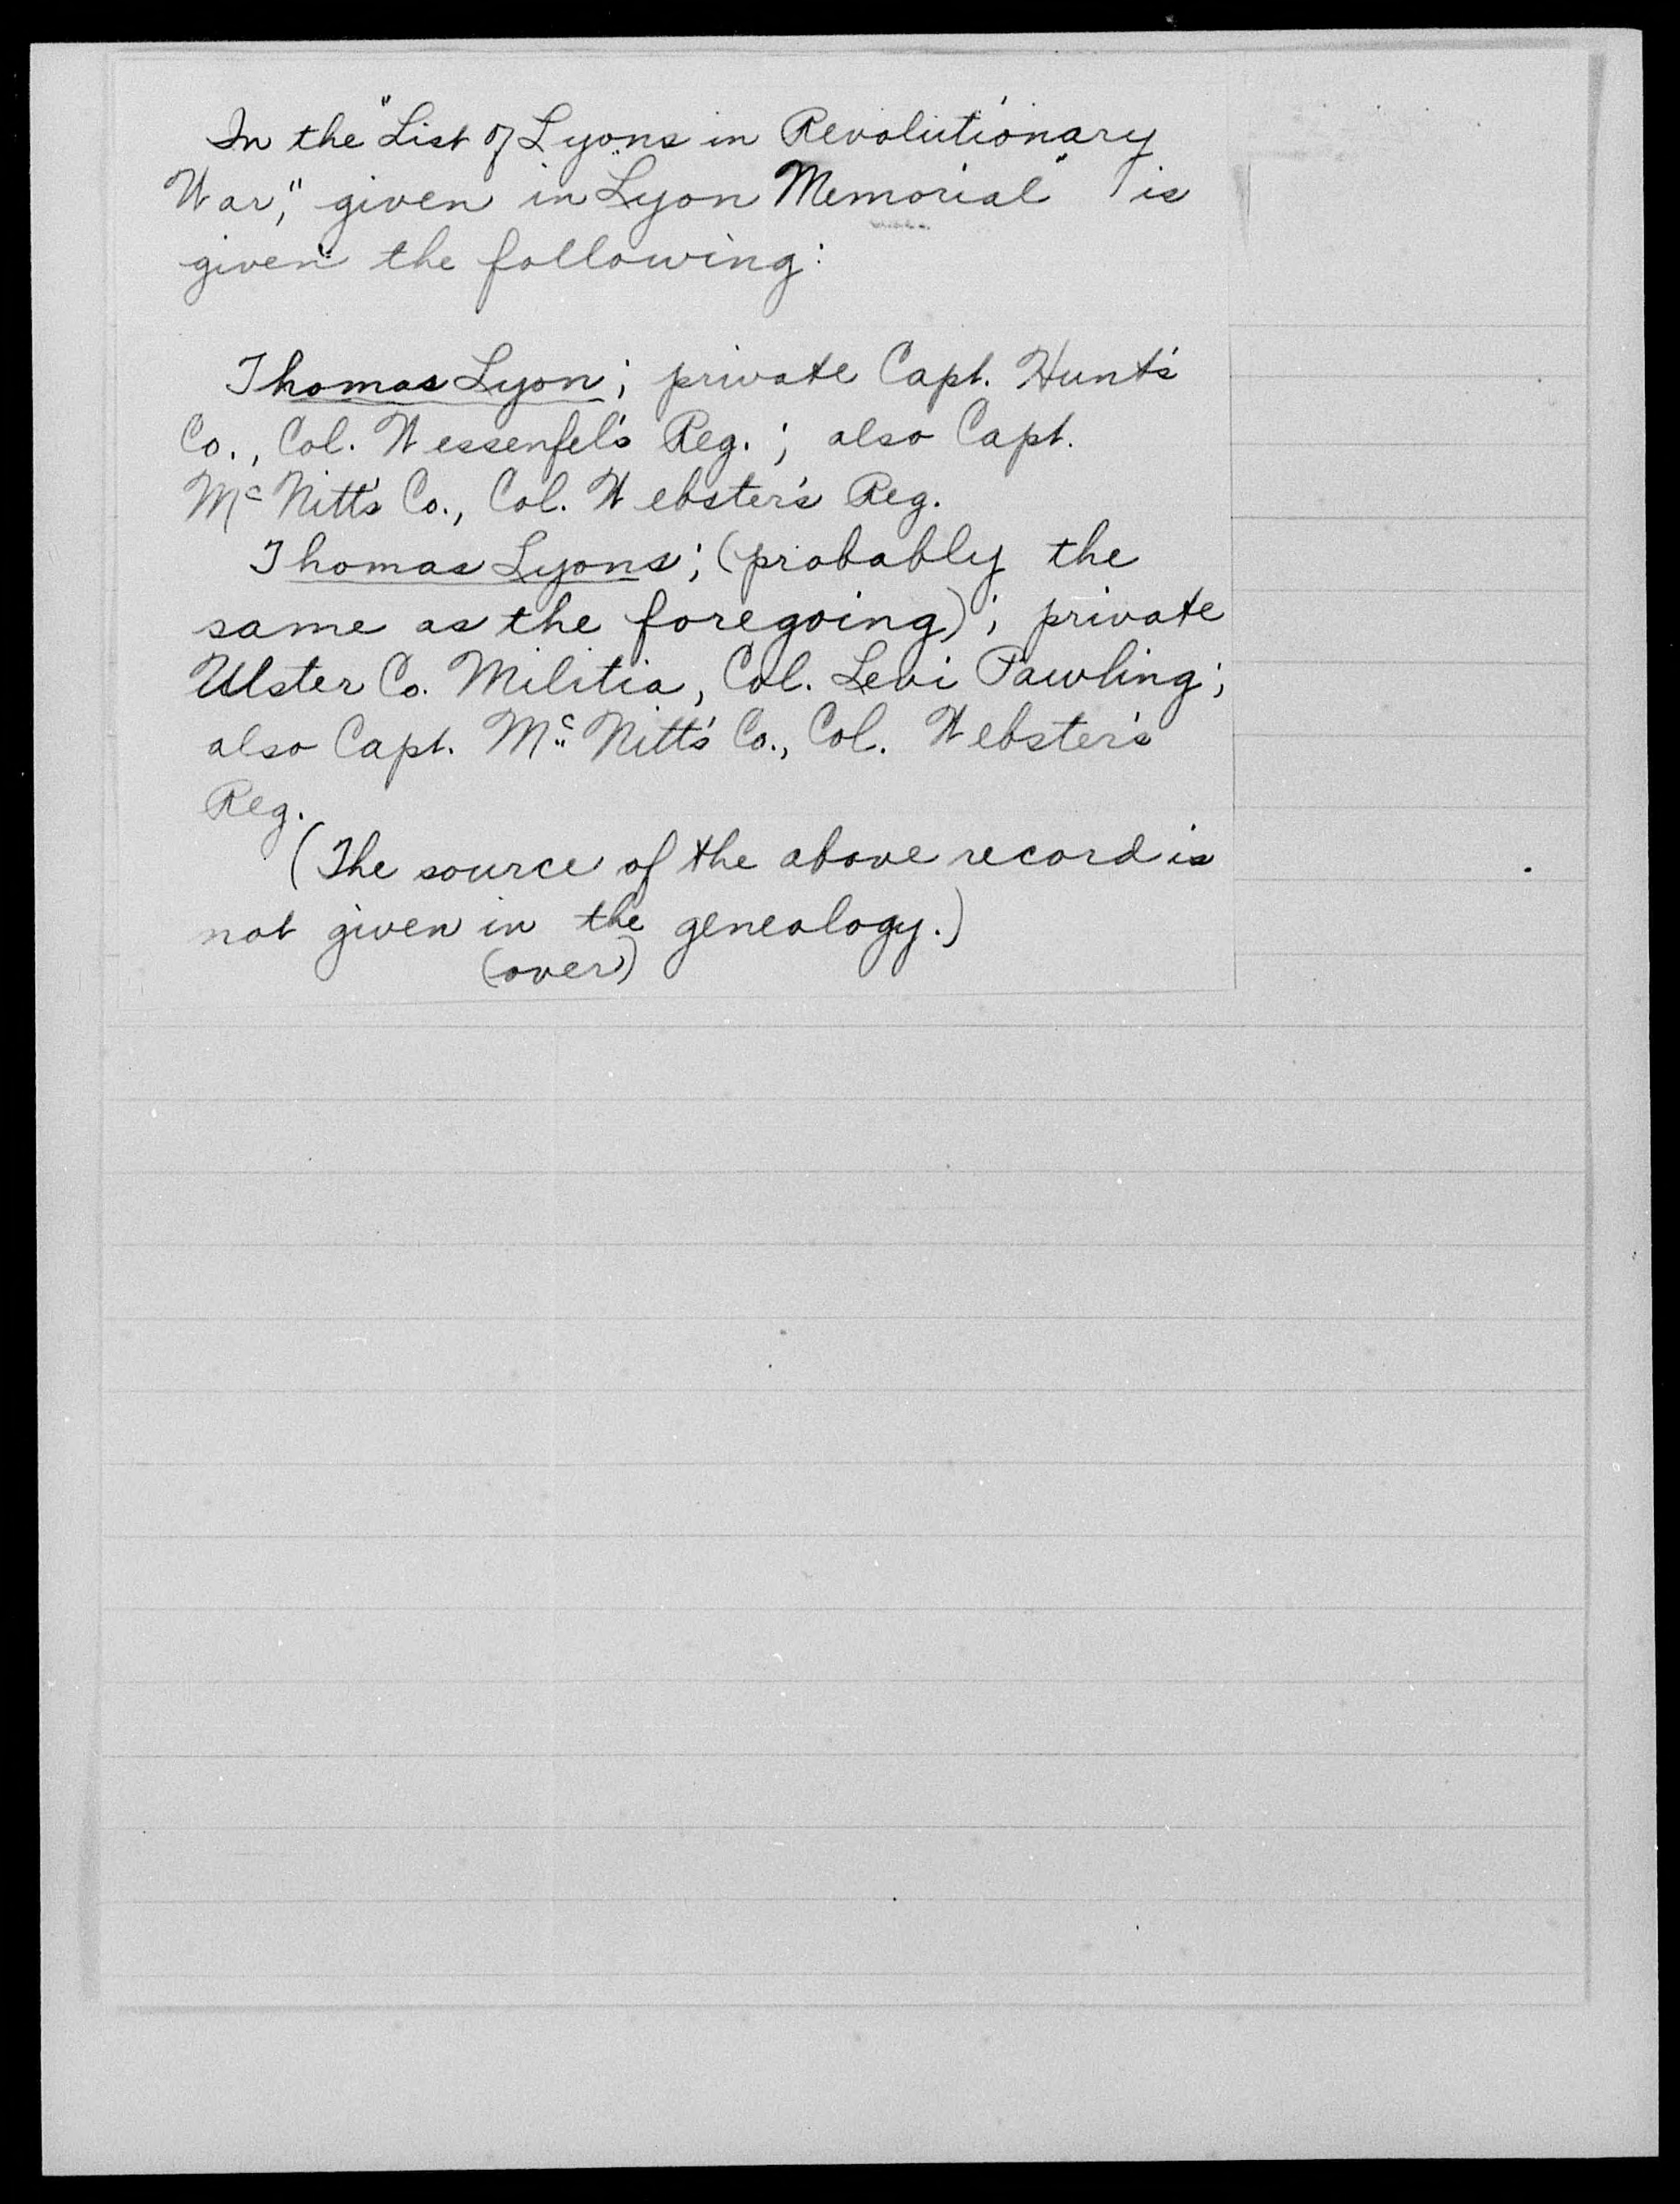In the "List of Lyons in Revolutionary
of War," given in Lyon Memorial is
given the following:
Thomas Lyon; private Capt. Hunt's
Co., Col. Wessenfel's Reg.; also Capt.
McNitt's Co., Col. Webster's Reg.
Thomas Lyons, (probably the same
as the foregoing); private
Ulster Co. Militia, Col. Levi Pawling,
also Capt. McNitt's Co., Col. Webster's
Reg.
(The source of the above record is
not given in the genealogy.)
(over)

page: 14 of 28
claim: survivor's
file: S. 21,872, for Thomas Lyon, New York